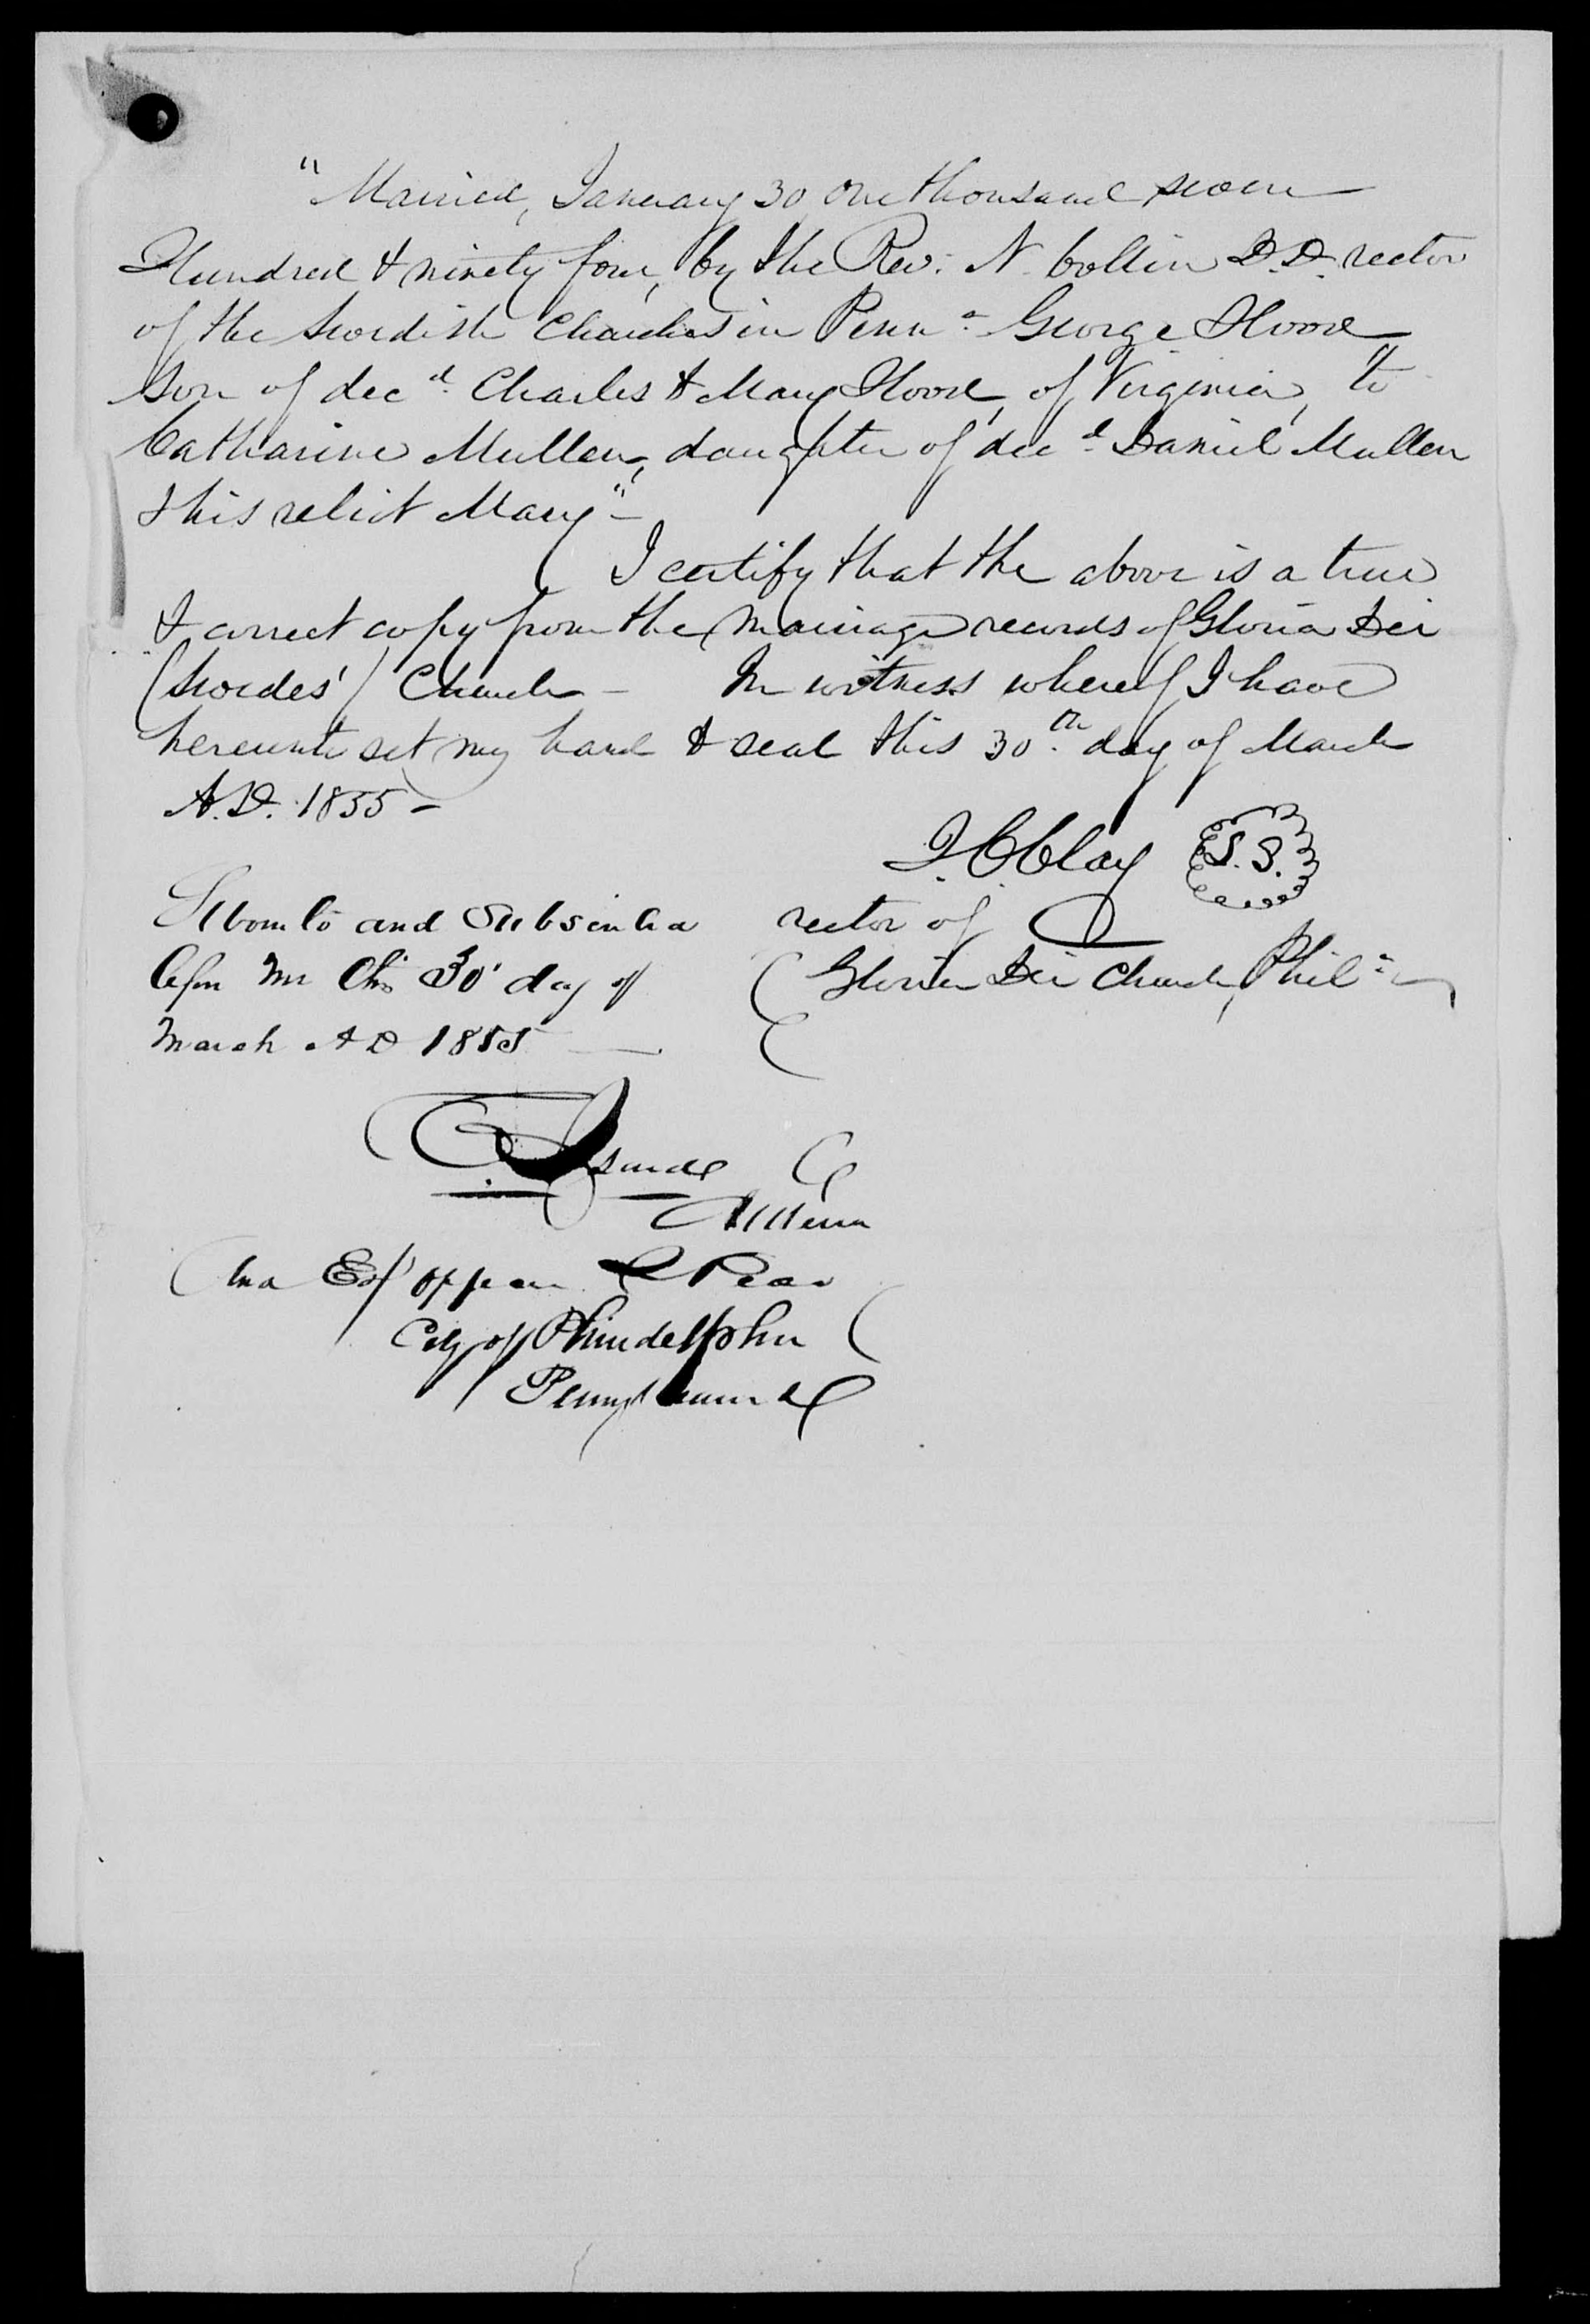Married January 30 one thousand seven hundred and ninety four by the Rev. Collins of the Swedish Church in Pennsylvania. George Hood, son of deceased Charles and May Hood, of Virginia, to Catharine Müller, daughter of deceased Daniel Müller and relief Mary.
I certify that the above is true and correct copy from the marriage of Gloria Dei Church. In witness whereof I have hereunto set my hand and seal this 30th day of March A.D. 1855. 
J. C. Clay Rector of Gloria Dei Church, Philadelphia 

Sworn to and subscribed before me this 30th day of March A.D. 1855.
C. Israel, Alderman and ex officio Justice of the Peace
City of Philadelphia, State of Pennsylvania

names: Daniel Mullen, N Collin, Mary, Mary Hood, Charles Hood, J C Clay, George Hood, C Isarel, Catharine Mullen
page: 35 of 51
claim: widow's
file: W 8939, George Hood, Continental Va.